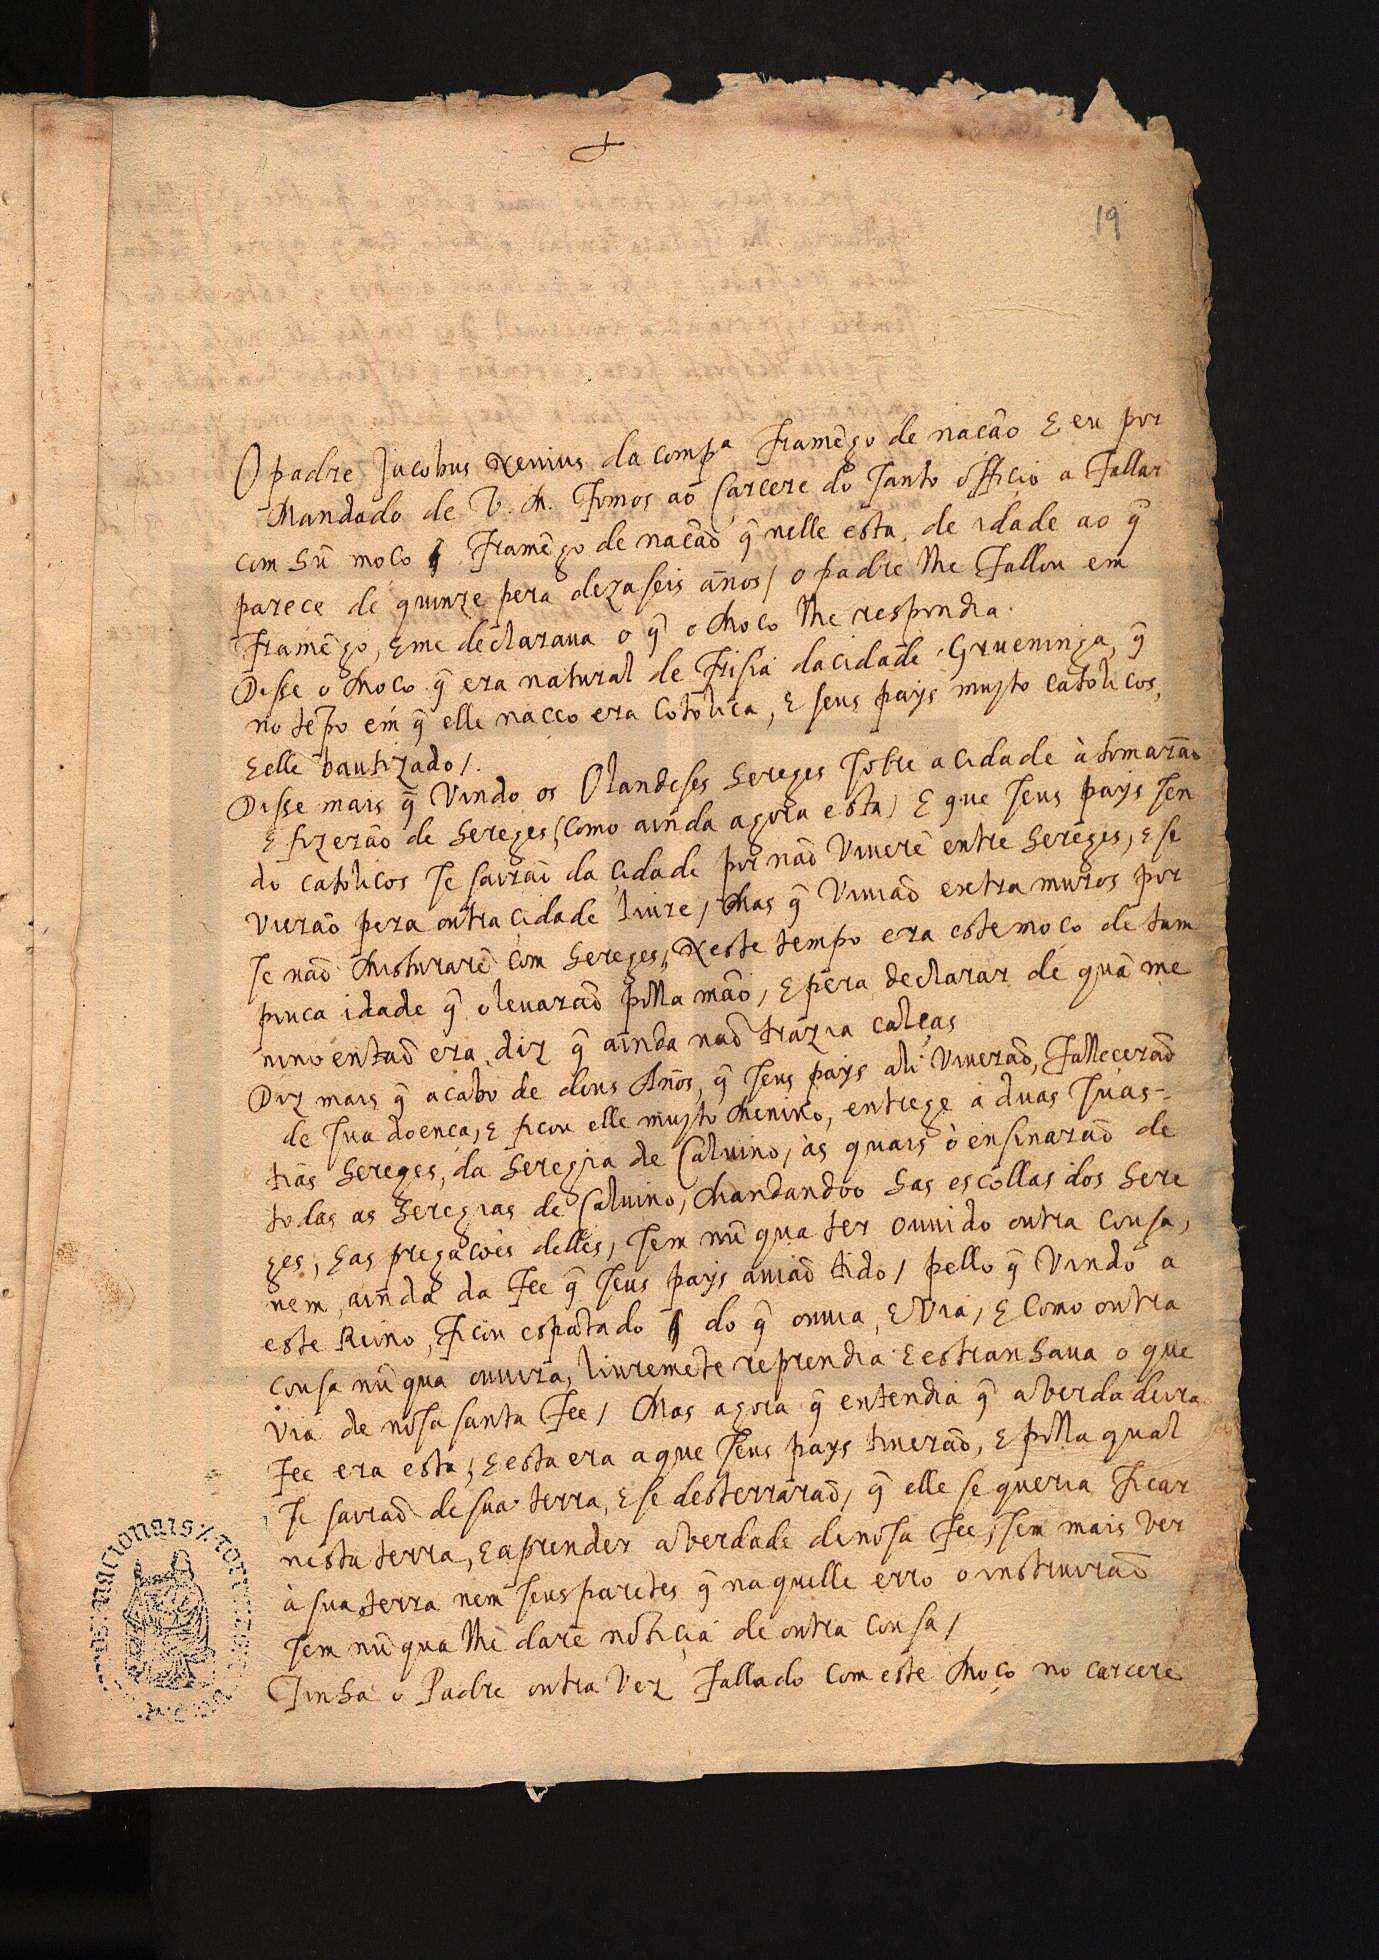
O padre Jacobus Nenius da compa framēgo de nação E eu por
Mandado de V. M. fomos ao Carcere do Santo officio a fallar
com hū moço q̄ framēgo de nação q̄ nelle esta de idade ao q̄
parece de quinze pera dezaseis an̄os / o padre lhe fallou em
framēgo, E me declaraua o q̄ o Moço lhe respondia.
Disse o Moço q̄ era natural de frisia da cidade Grueninga, q̄
no tēpo em q̄ elle naceo era catolica, E seus pays mujto catolicos,
E elle bautizado /
Disse mais q̄ vindo os Olandeses hereges sobre a cidade a tomarão
E fizerão de hereges (como ainda agora esta) E que seus pays sen
do catolicos se sairaõ da Cidade por não viuerē entre hereges, E se
vieraõ pera outra cidade Iiure, Mas q̄ viuiaõ extra muros por
se não Misturarē com hereges, Neste tempo era este moço de tam
pouca idade q̄ o leuaraõ pella mão, E pera declarar de quā me
nino entaõ era diz q̄ ainda naõ trazia calças
Diz mais q̄ a cabo de dous Anōs, q̄ seus pays ali viuerão, fallecerão
de sua doença, E ficou elle mujto Menino, entrege a duas suas
tias hereges, da heregia de Caluino, as quais o ensinaraõ de
todas as heregias de Caluino, Mandandoo has escollas dos here
ges, E as pregações delles, sem nūqua ter ouuido outra cousa,
nem ainda da fee q̄ seus pays auião tido, pello q̄ vindo a
este Reino, ficou espātado q̄ do q̄ ouuia, e via, E como outra
cousa nūqua ouuira, liuremēte reprendia E estranhaua o que
via de nosa santa fee / Mas agora q̄ entendia q̄ a verdadeira
fee era esta, E esta era a que seus pays tiuerão, E pella qual
se sairaõ de sua terra, E se desterraraõ, q̄ elle se queria ficar
nesta terra, E aprender a verdade de nosa fee, sem mais ver
a sua terra nem seus parētes q̄ naquelle erro o instruirão
sem nūqua lhe darē noticia de outra cousa /
Tinha o Padre outra vez fallado com este Moço no carcere
